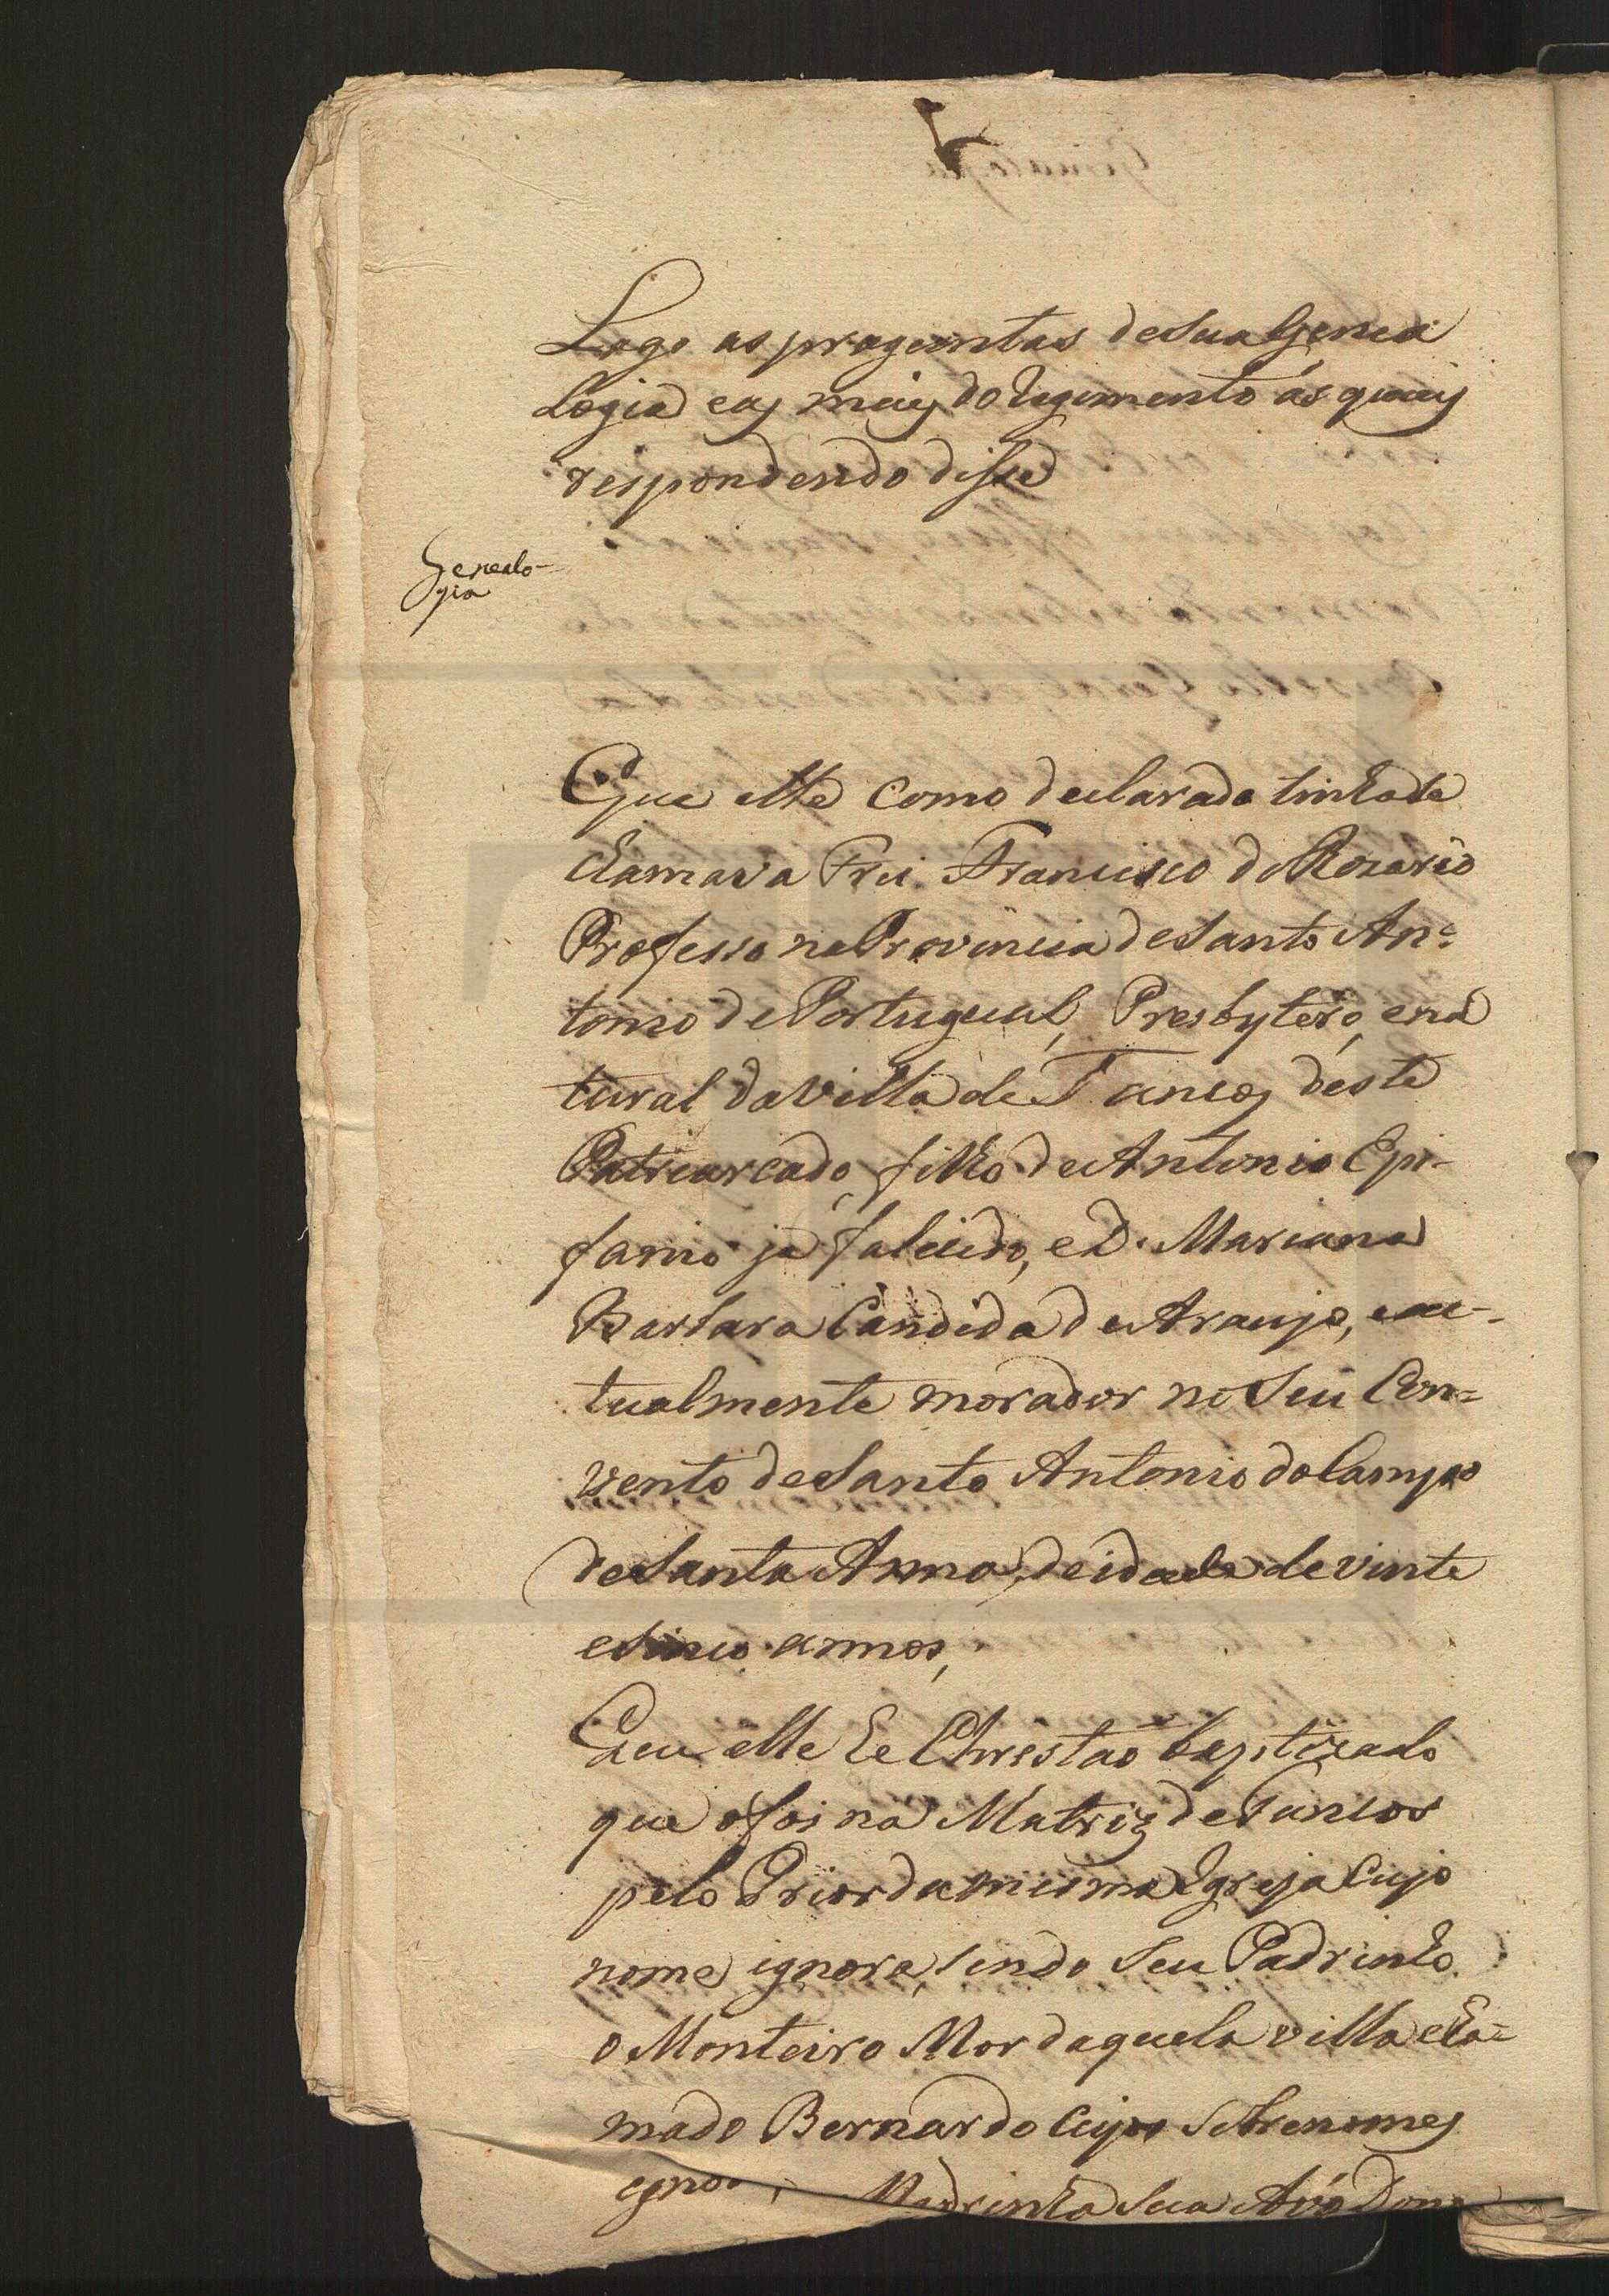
Logo as proguntas de sua genea
Logia e as mais do Regimento às quais
respondendo disse
Genealo
gia
Que elle como declarado tinha se
chamava Frei Francisco do Rozario
Professo na Provencia de Santo An
tonio de Portugual, Presbytero, e na
tural da villa de Tancos deste
Patriarcado filho de Antonio Epi
fanio já falecido, e D. Mariana
Barbara Candida de Araujo, e ac
tualmente morador no Seu Con
vento de Santo Antonio do Campo
de Santa Anna, de idade de vinte
e sinco annos,
Que elle he Christaõ baptizado
que o foi na Matriz de Tancos
pelo Prior da mesma Igreja cujo
nome ignora, sendo seu Padrinho.
o Monteiro Mor daquela villa cha
mado Bernardo cujos sobrenomes
egno_ Madrinha sua Avó Dona
